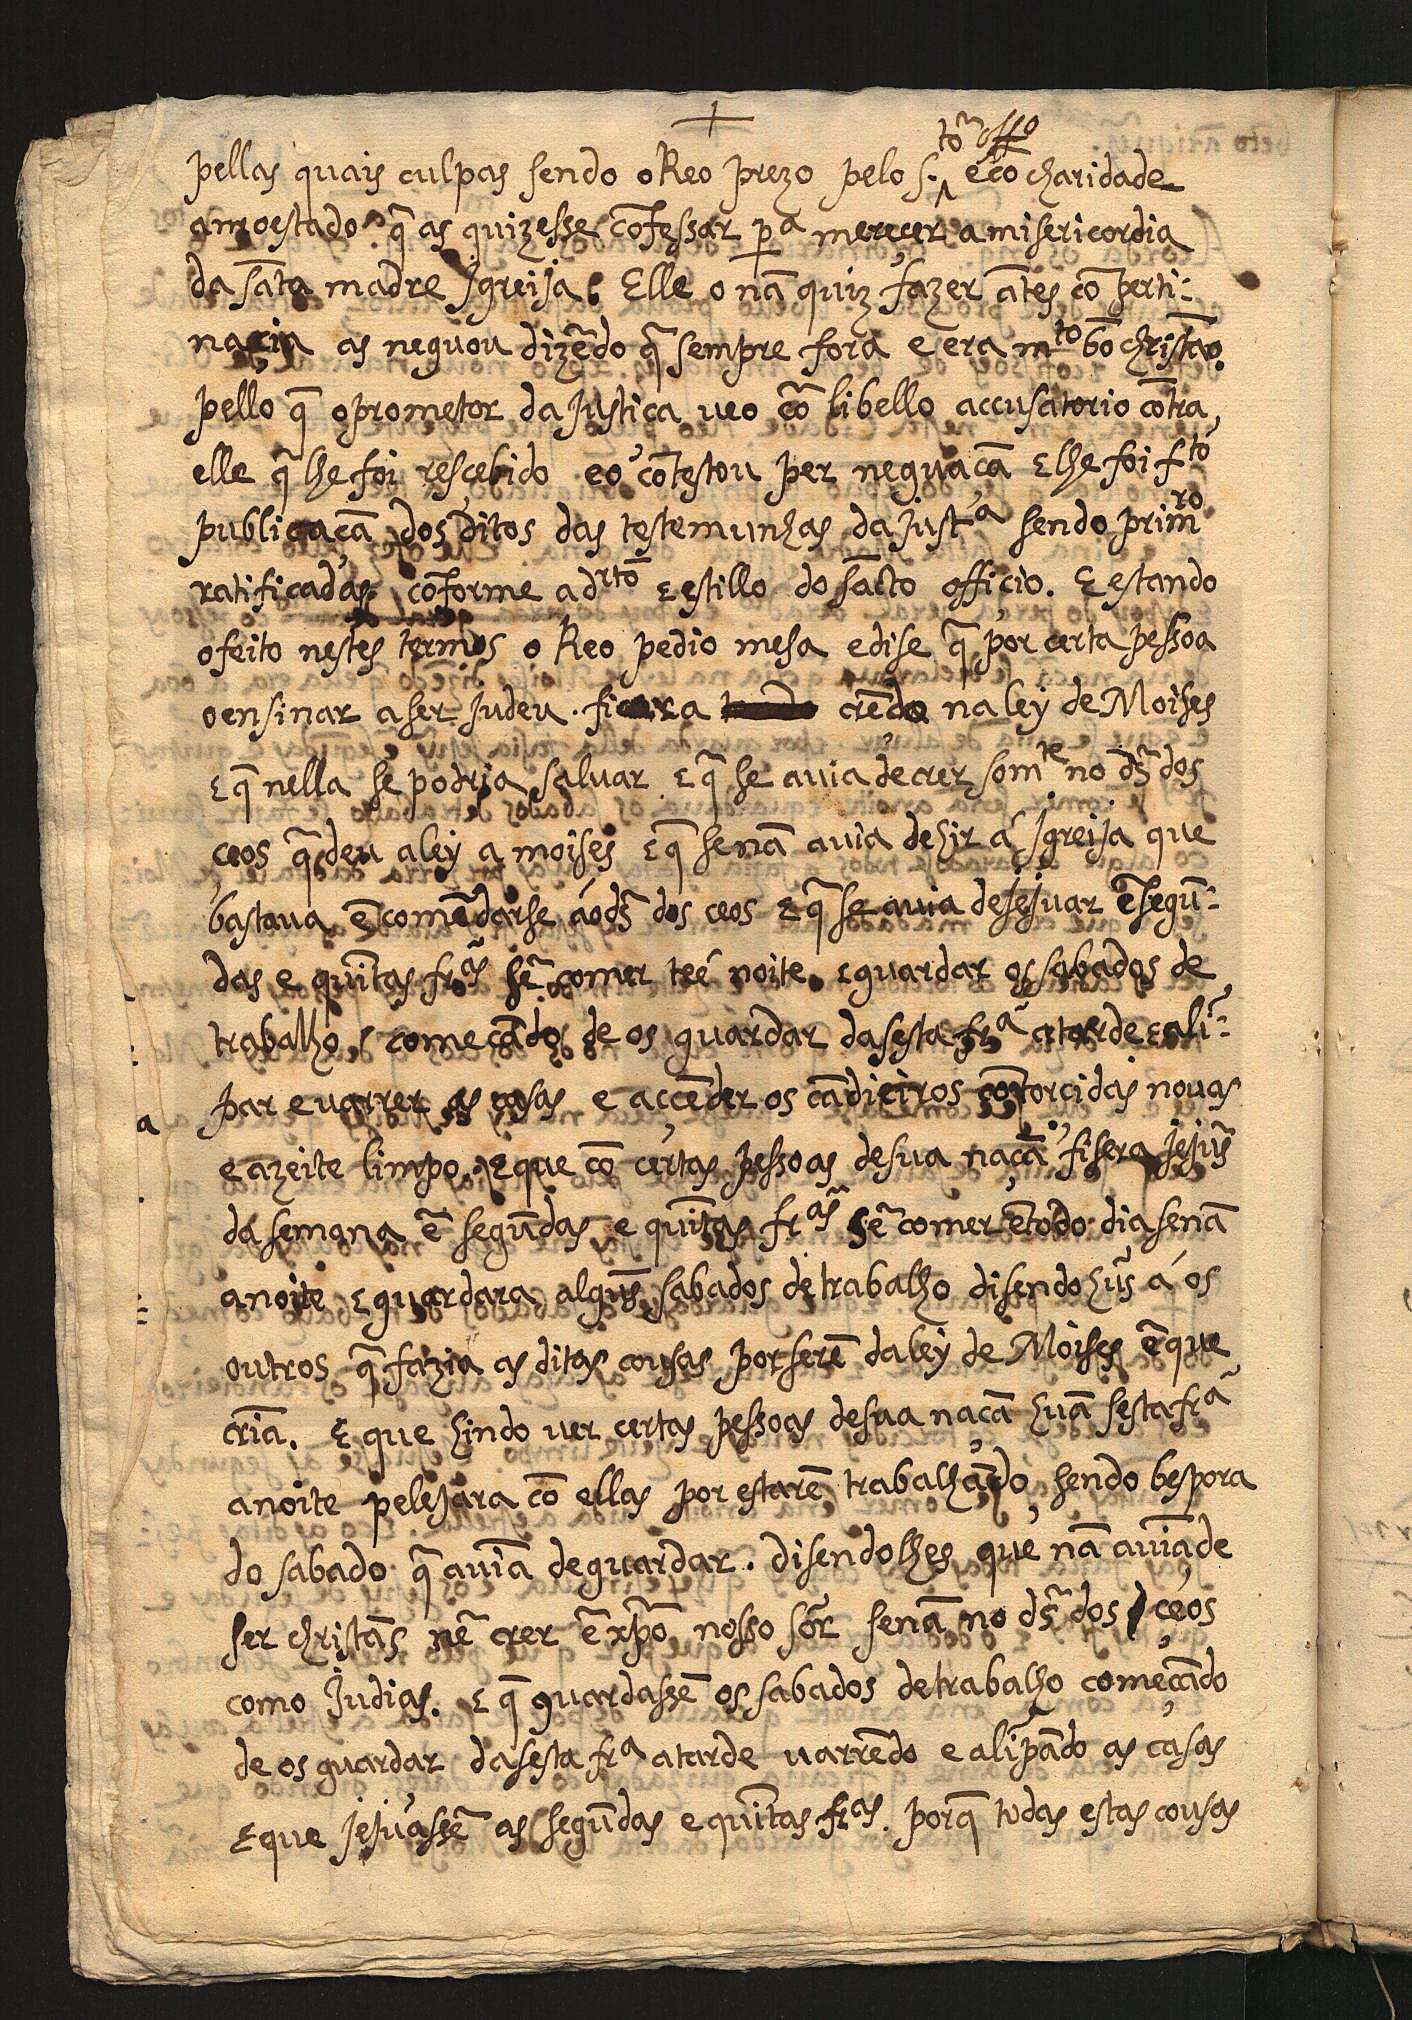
pellas quais culpas sendo o Reo prezo pelo s.to offo e cō charidade
amoestado q̄ as quizesse cōfessar ꝑa mereçer a misericordia
da sāta madre Jgreija. Elle o nā quiz fazer ātes co̅ perti
nacia as neguou dizēdo q̄ sempre fora e era mto bo̅ christão
pello q̄ o prometor da Justiça ueo cō libello accusatorio cōtra,
elle q̅ lhe foi recebido e o cōtestou per neguaçā E lhe foi fto
publicaçā dos ditos das testemunhas da Justa sendo primro
ratificadas cōforme a drto E estillo do Sācto officio. E estando
o feito nestes termos o Reo pedio mesa e dise q̄ por certa pessoa
o ensinar a ser Judeu. ficara _ crēdo na ley de Moises
E q̅ nella se podria saluar E q̅ se auia de crer somte no ds̄ dos
ceos q̄ deu a ley a moises E q̄ se nā auia de hir a JgreiJa que
bastaua ēcomēdarse ao ds̄ dos ceos E q̄ se auia de JeJuar e segū
das e quītas fras sē comer tee noite E guardar os sabados de
trabalhos começādo de os guardar da sesta fra a tarde e alī
par e uarrer as casas e acçēder os cādieiros cō torçidas nouas
e azeite limpo E que cō certas pessoas de sua naçā fisera JeJūs
da semana ē segūdas e quītas fras sē comer ē todo dia senā
a noite E guardara algūs sabados de trabalho disendo hūs aos
outros q̄ fazia as ditas cousas por serē da ley de Moises ē que
criā. E que hindo uer certas pessoas de sua naçā huā sesta fra
a noite pelejara cō ellas por estarē trabalhādo, sendo bespora
do sabado q̅ auiā de guardar. disendolhes que nā auiā de
ser christãs nē crer ē xpō nosso sor̄ senā no ds̄ dos _ ceos
como Judias. E q̄ guardassē os sabados de trabalho começādo
de os guardar da sesta fra a tarde uarrēdo e alīpādo as casas
E que JeJuassē as segūdas e quītas fras. porq̄ todas estas cousas
